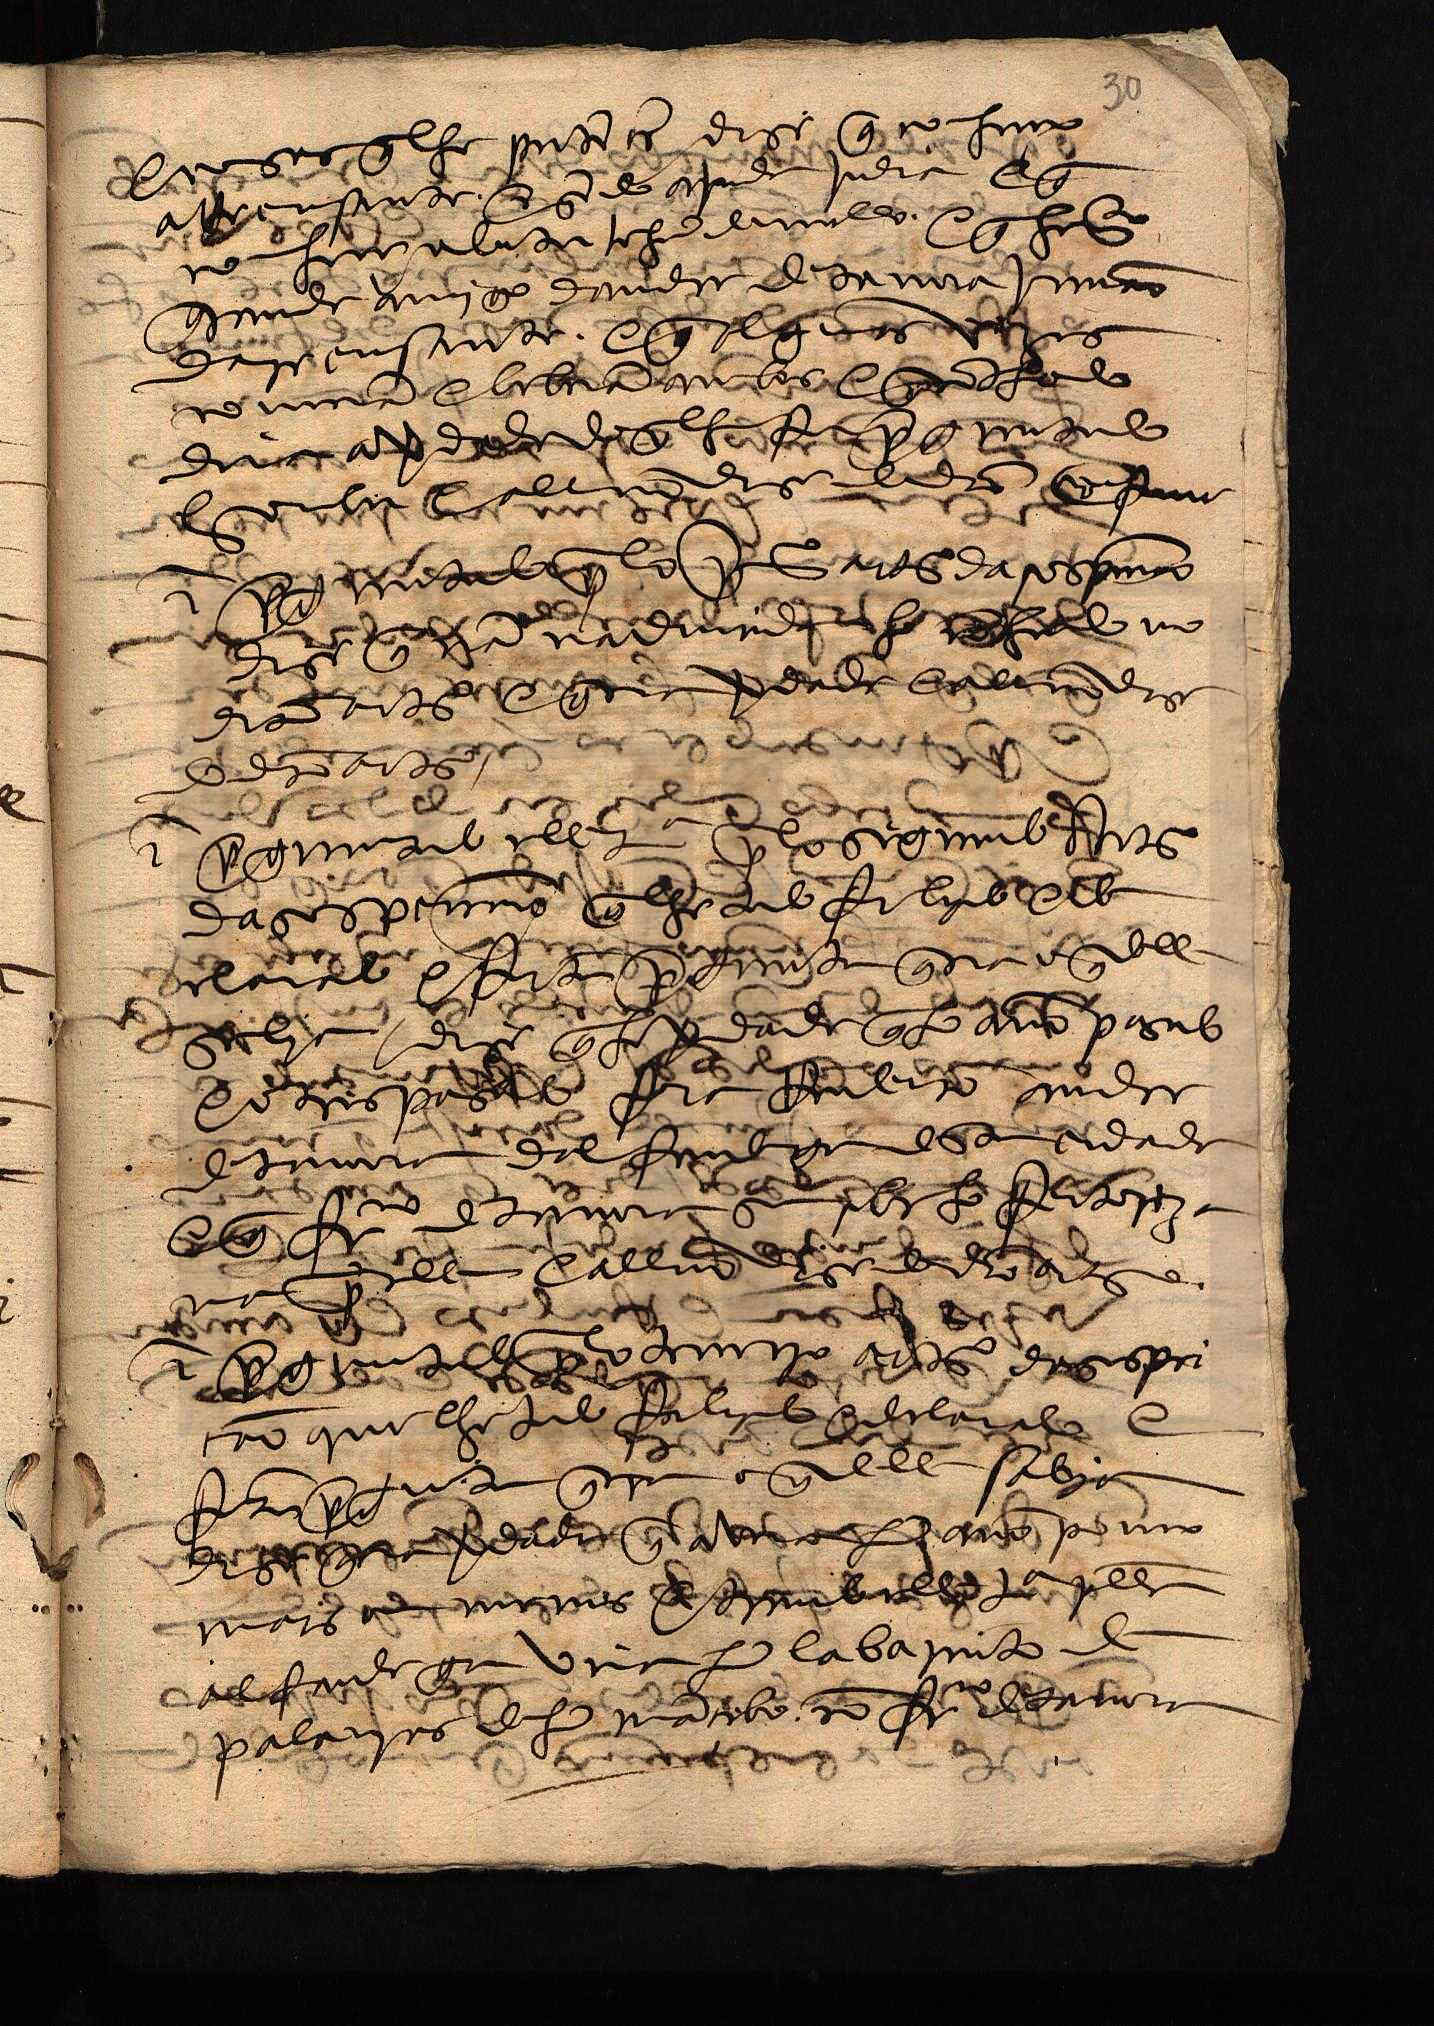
e cousas q̄ lhe pertēcē dise q̄ conheceo
a Recusante ē sēdo aJnda Judia e q̄
conhece o doutor Johā de mello. e q̄ he mto
grande amjgo dandre de tauora Jrmão
da recusante. e q̄ allguās vezes
comerā e beberā ambos e q̄ cōthudo
dira a ꝟdade de q̄ lhe for p̄guntado
e souber e all nō dise do dtō custume
item p̄guntado p̄lo p̄mo arto da sospeição
dise q̄ nā na duuida ho c̄otheudo no
dito arto e q̄ era ꝟdade e all nō dise
do dito arto /
item p̄gumtado elle ta pl̄o ho segumdo Arto
da sospeição q̄ lhe todo foi lydo e de
clarado e feita p̄gunta q̄ era o q̄ delle
sabja / dise q̄ he ꝟdade q̄ ho an̄o pasado
e o trespasado fora Rendeiro andre
de tauora dalfandega desta cidade
e q̄ frco de tauora seu sobrinho feitoriza
ua p̄o elle e all nō dise do dtō arto
item ꝑguntada p̄lo terceiro arto da sospei
ção que lhe todo foi lydo e declarado e
feita p̄gūta q̄ era o q̄ delle sabya
dise q̄ era ꝟdade q̄ avera hū anō pouco
mais ou menos ētrando elle ta p̄lla
alfandega vira hū labarinto de
palauras de hū mācebo c̄o frco de tauora
